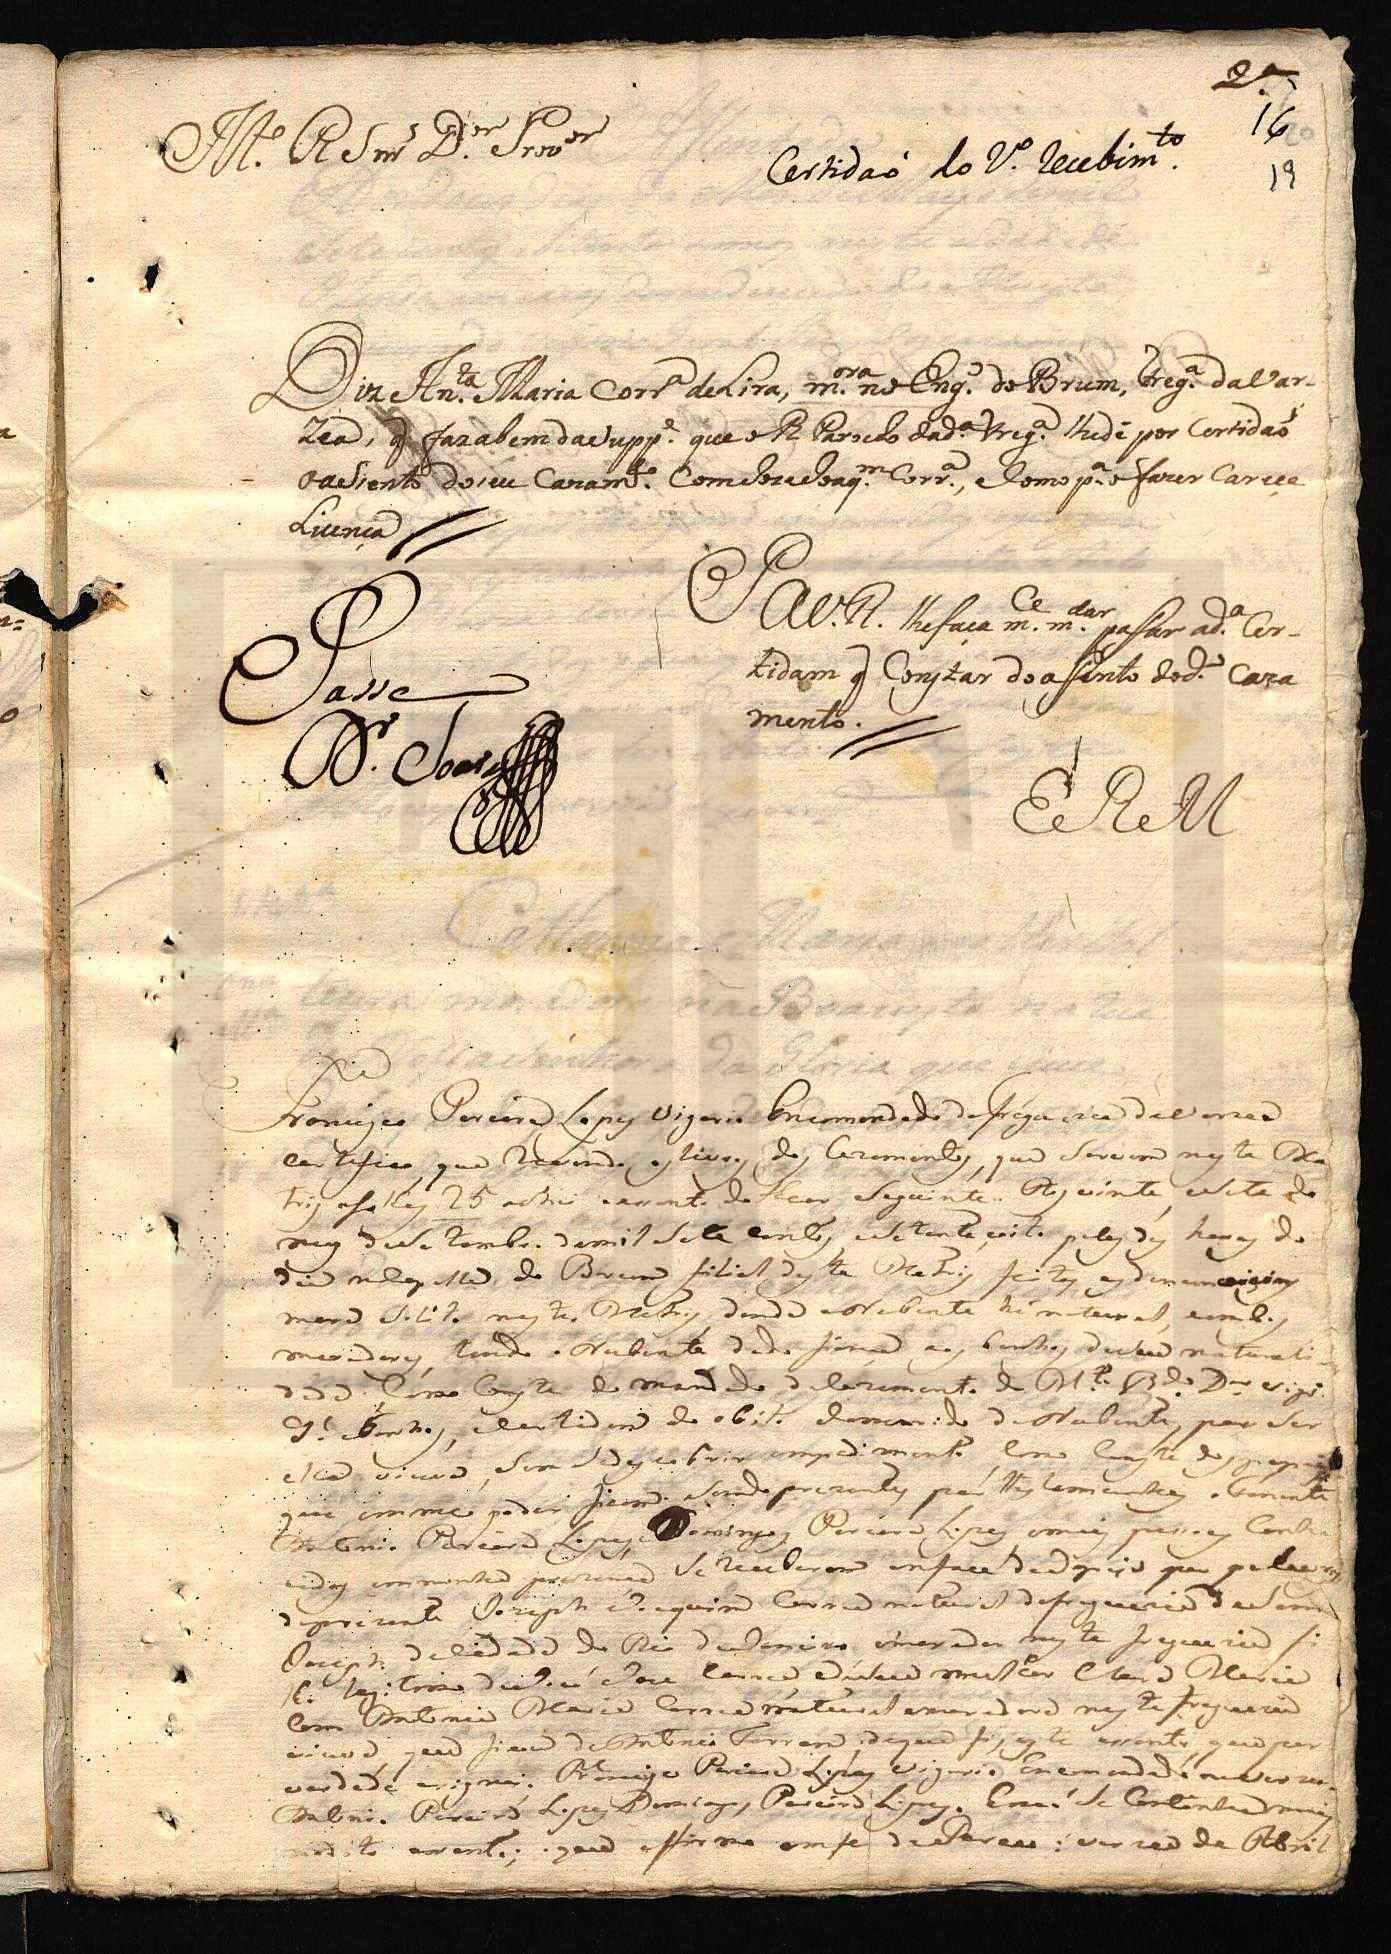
16.
Mt.o R Snr̄ D.or Prov.or
Certidaõ do 2.o Recebim.to
Diz An.ta Maria Corra de Lira, m.ora no Eng.o do Brum, Freg.a da Var
Zea, q̄ faz a bem da supp.e que o R Parocho da d.a Freg.a lhe dé por Certidaõ
o assento do seu Cazam.to com Ioze Ioaq.m Corr.a, e Como p.a o fazer carece
Licença
P A V. R. lhe faça m.ce m.dar passar a d.a Cer
tidam q̄ Constar do asento do d.o caza
Passe
mento.
D.r Soares
E R M
Francisco Pereira Lopes vigario Encomendado da Freguezia da varzea
certifico, que Revendo os livros dos Cazamentos, que Servem nesta Ma
tris a folhas 25 achei o assento do theor seguinte. Aos vinte, e sete do
mes de Setembro de mil setecentos e setenta, e oito pelas des horas do
dia na capella do Brum filial desta Matris feitas as denunciaçoins
more Solito nesta Matris; donde a nubente hé natural, ambos
moradores, tendo o Nubente dado fiança aos banhos de seu naturalid
dade Como Consta do mandado de cazamento do M.to R.do D.or vigr.o
G.l e banhos, e certidam do obito do marido da Nubente, por ser
sua viuva, sem se descobrir impedimento, e no Conste dos papeis
que em meo poder ficam sendo prezentes por testemunhas o Tenente
Antonio Pereira Lopes, e Domingos Pereira Lopes e mais pessoas Conhe
cidos em minha prezença se Receberam en face da Igreja por palavras
de prezente Iozeph Ioaquim Correa natural da freguezia de Sam
Iozeph da Cidade do Rio de Ianeiro, e morador nesta freguezia fi
lho legitimo de Ioaõ Ioze Correa e de sua mulher Clara Maria
com Antonia Maria Correa natural e moradores nesta freguezia
viuva que ficou de Antonio Ferreira; de que fis este assento que por
verdade asignei; Francisco Pereira Lopes Vigario em verdade na varzea
Antonio Pereira Lopes Domingos Pereira Lopes. E naõ se Contem mais
o dito assento; que affirmo em fe de Paroco, varzea de Abril
